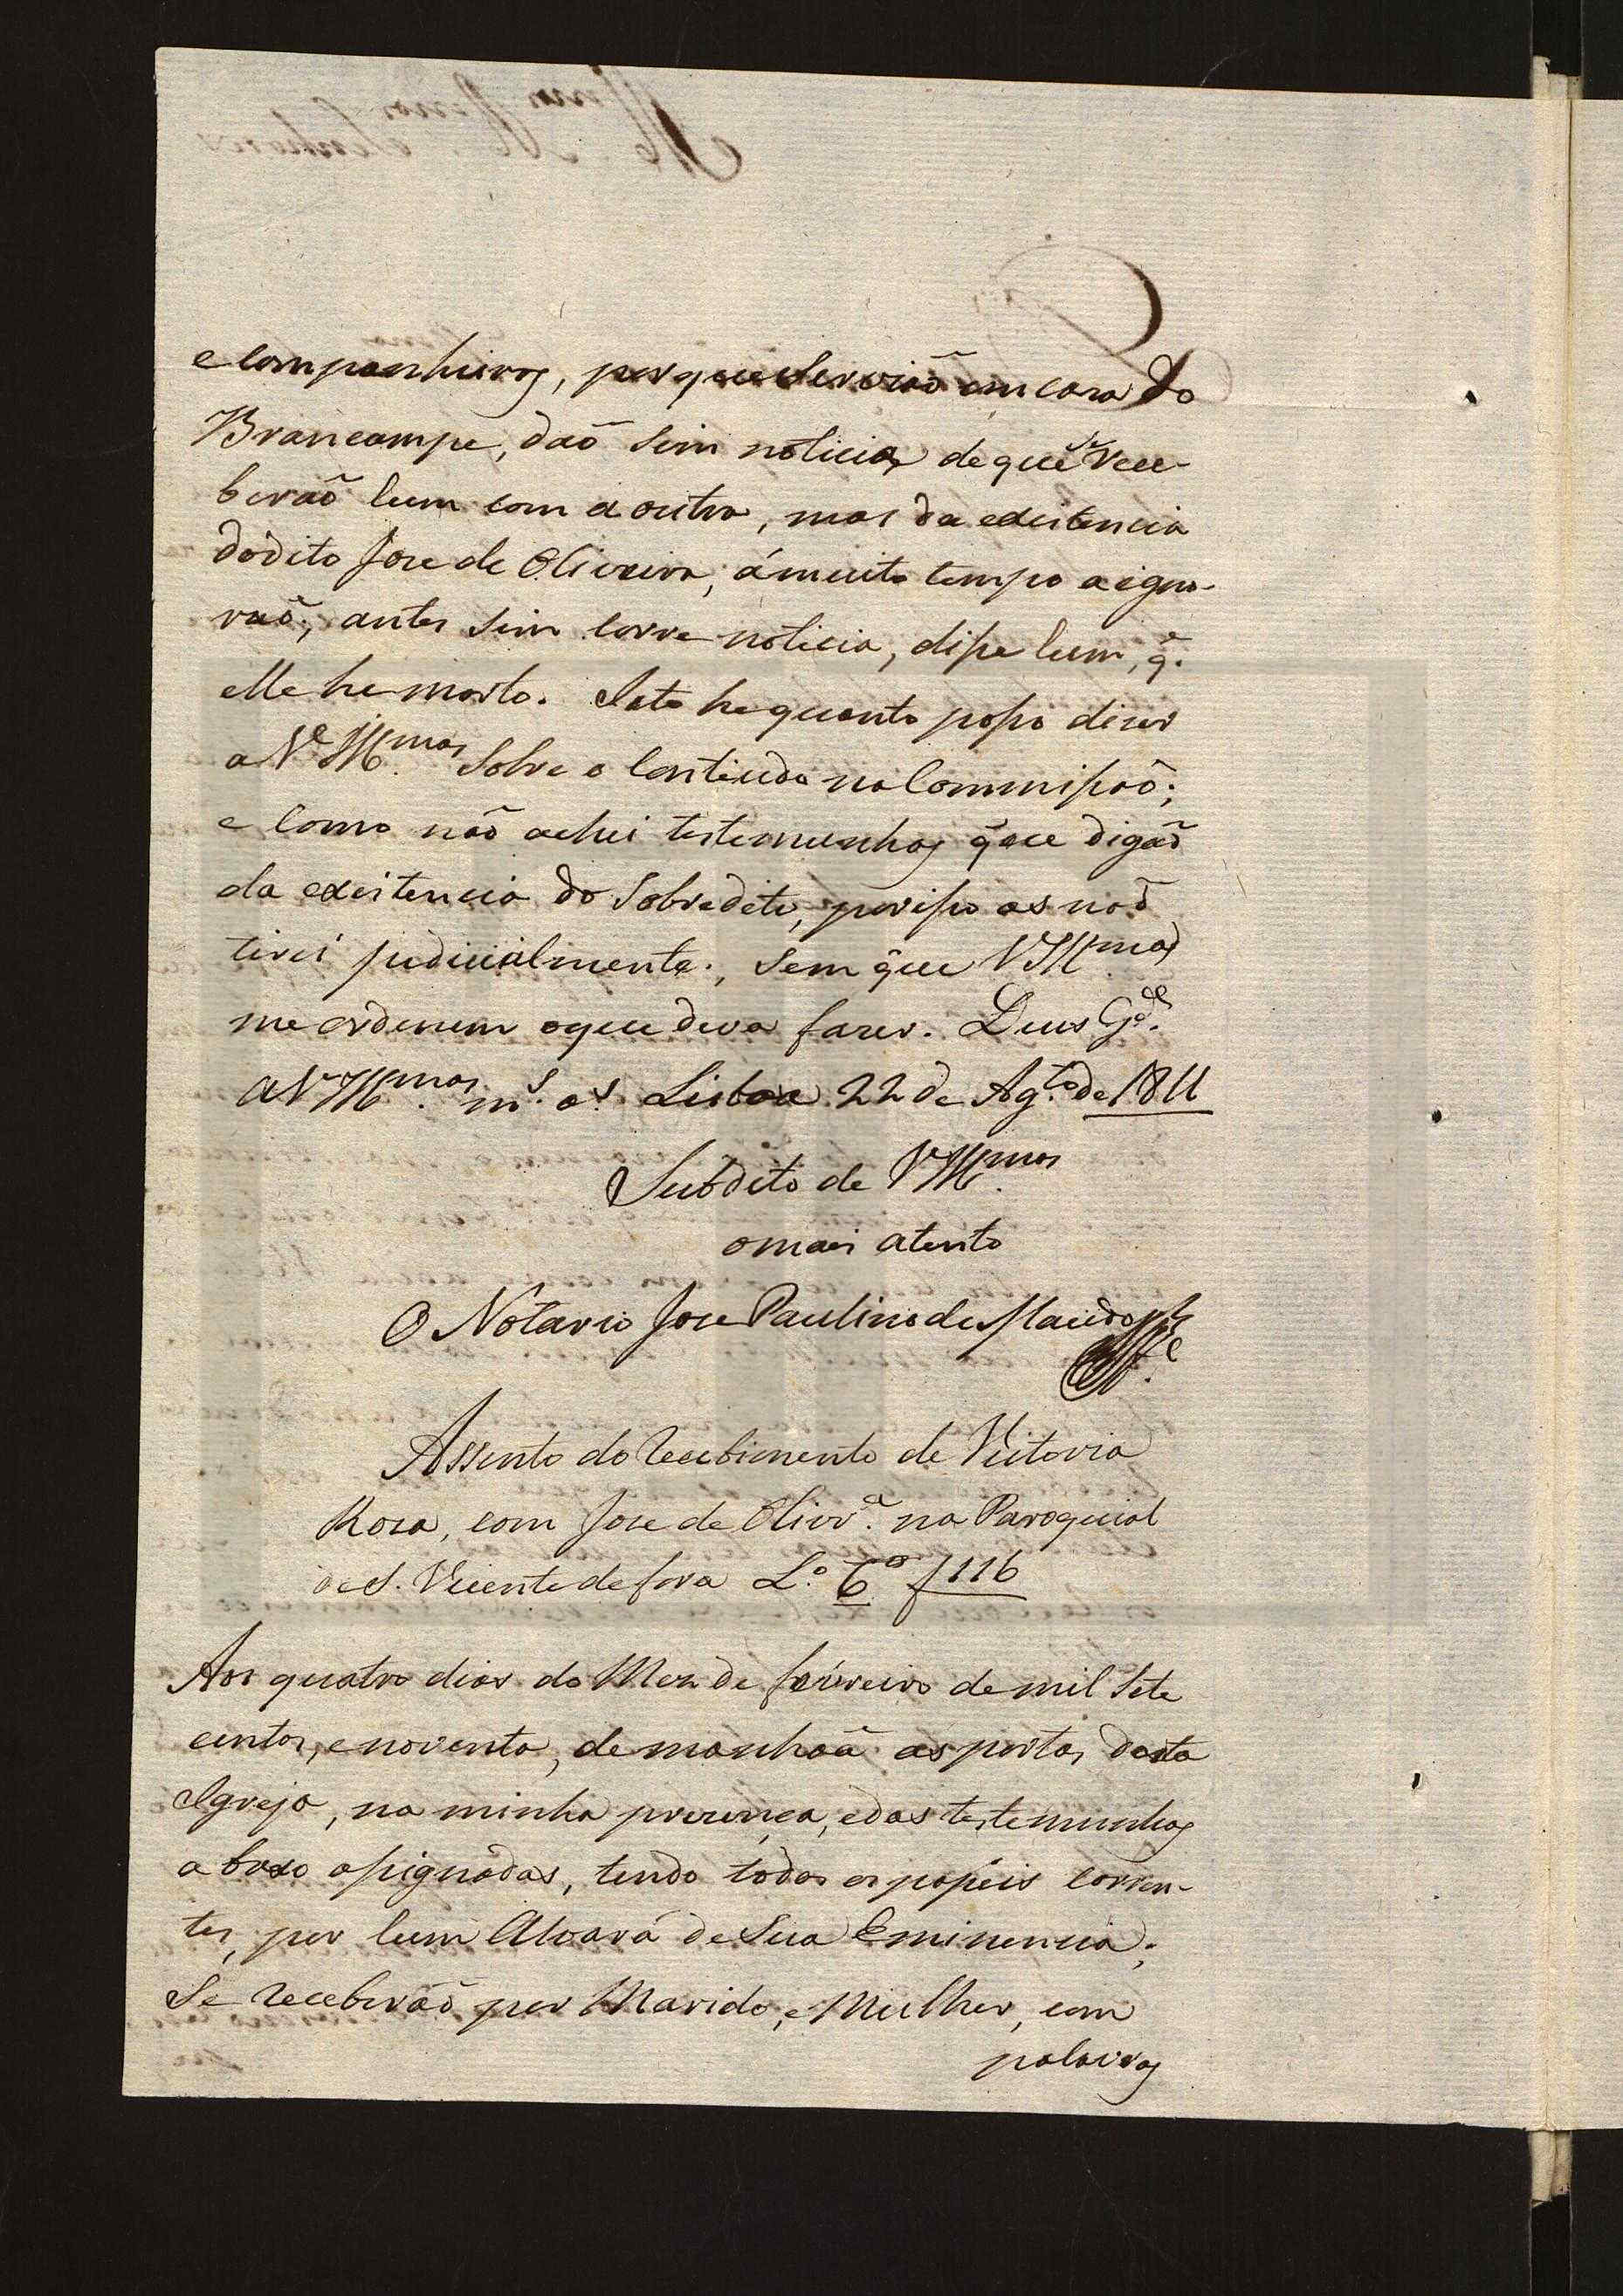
e companheiros, porque serviaõ em caza do
Brancampe, daõ sim noticia de que se rece
beraõ hum com a outra, mas da existencia
do dito Joze de Oliveira, á muito tempo a igno
raõ, antes sim corre noticia, disse hum, q̄
elle he morto. Isto he quanto posso dizer
a V Ill.mas sobre o contiudo na Commissaõ;
e como naõ achei testemunhas q̄ue digaõ
da existencia do sobredito, por isso as naõ
tirei judicialmente; sem que V Ill.mas
me ordenem o que deva fazer. Deus G.de
a V Ill.mas m.s a.s Lisboa 22 de Ag.to de 1811
Subdito de V Ill.mas
o mais atento
O Notario Joze Paulino de Macedo
Assento do Recebimento de Victoria
Roza, com Joze de Olivr.a na Paroquial
de S. Vicente de fora L.o 6.o f.116
Aos quatro dias do Mez de fevreiro de mil sete
centos, e noventa, de manhaã as portas desta
Igreja, na minha prezença, e das testemunhas
abaxo assignadas, tendo todos os papeis corren
tes, por hum Alvará de Sua Eminencia;
se receberaõ por Marido, e mulher, com
palavras
